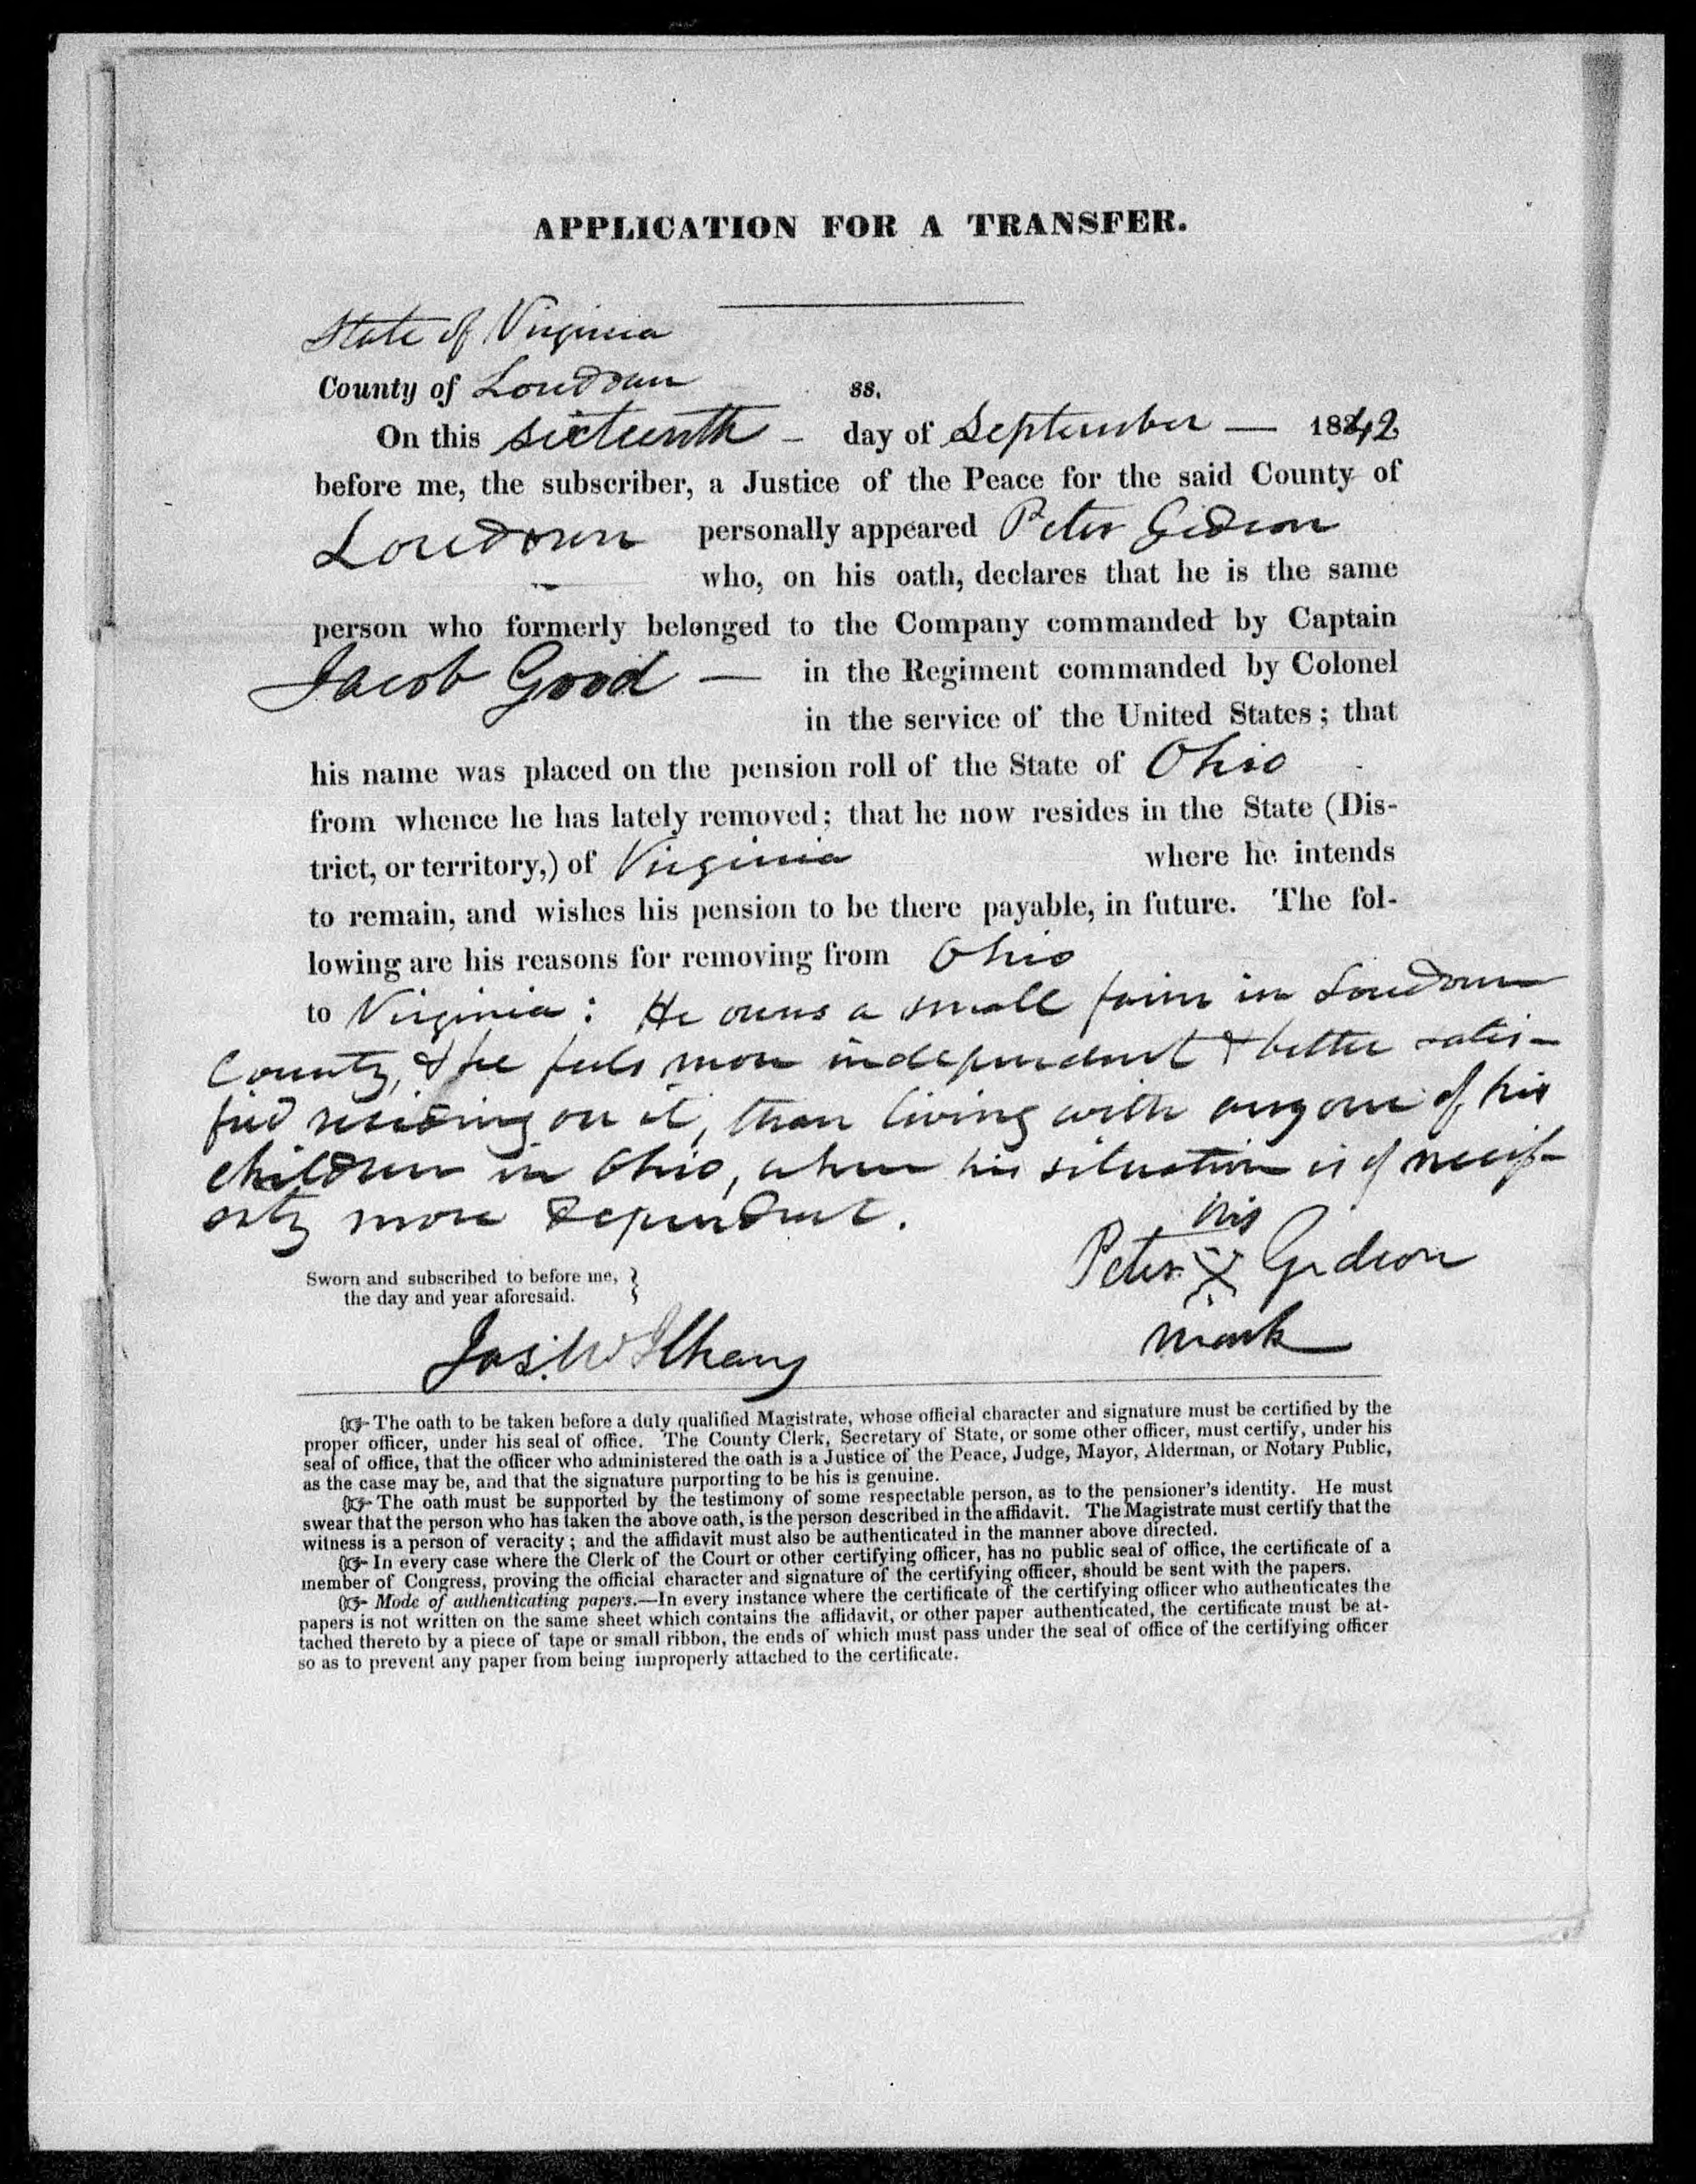APPLICATION FOR A TRANSFER

State of Virginia
County of Louden
On this seventeenth day of September - 1842 before me, the subscriber, a Justice of the Peace for the said County of Louden personally appeared Peter Gideon who, on his oath, declares that he is the same person who formerly belonged to the Company commanded by Captain Jacob Good - in the Regiment commanded by Colonel [no name entered] in the service of the United States; that his name was placed on the pension toll of the state of Ohio from whence he has lately removed ; that he now resides in the State (District, or territory,) of Virginia where he intends to remain, and wishes his pension to be there payable, in future. The following are his reasons for removing from Ohio to Virginia ; he owns a small farm in Loudon County, & more independent and better satisfied residing on it, than living with any one of his children in Ohio, where his situation is of [illegible] more dependent.
[signed]
Peter Gideon [between first and last name there is a : with an "X" through it. Above and below this mark is noted "mis mark"]

Sworn and subscribed to before me, the day and year aforesaid.  Jos. Mc'Ilhany

The oath to be taken before a duly qualified Magistrate, whose official character and signature must be certified by the proper officer, under his seal of office. The County Clerk, Secretary of State, or some other officer, must certify, under his seal of office , that the officer who administered the oath is a Justice of the Peace, Judge, Mayor, Alderman, or Notary Public, as the case may be, and that the signature purporting to be his is genuine.

The oath must be supported by the testimony of some respectable person, as to the pensioner's identity. He must swear that the person who has taken the above oath, is the person described in the affidavit. The Magistrate must certify that the witness is a person of veracity; and the affidavit must also be authenticated in the manner above directed.

In every case where the Clerk of the Court or other certifying officer, has no public seal of office, the certificate of a member of Congress, providing the official character and signature of the certifying officer, should be sent with the papers.

Mode of authenticating papers.[pervious sentence italicized]- In every instance where the certificate of the certifying officer who authenticates the papers is not written on the same sheet which contains the affidavit, or other paper authenticated, the certificate must be attached thereto by a piece of tape or small ribbon, the ends of which must pass under the seal of the certifying officer so as to prevent any paper from being improperly attached to the certificate.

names: Peter Gideon, Jacob Good, Peter Gideon, Jas Mc Ilhany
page: 3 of 64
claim: survivor's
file: S. 6887, Peter Gideon, Md.